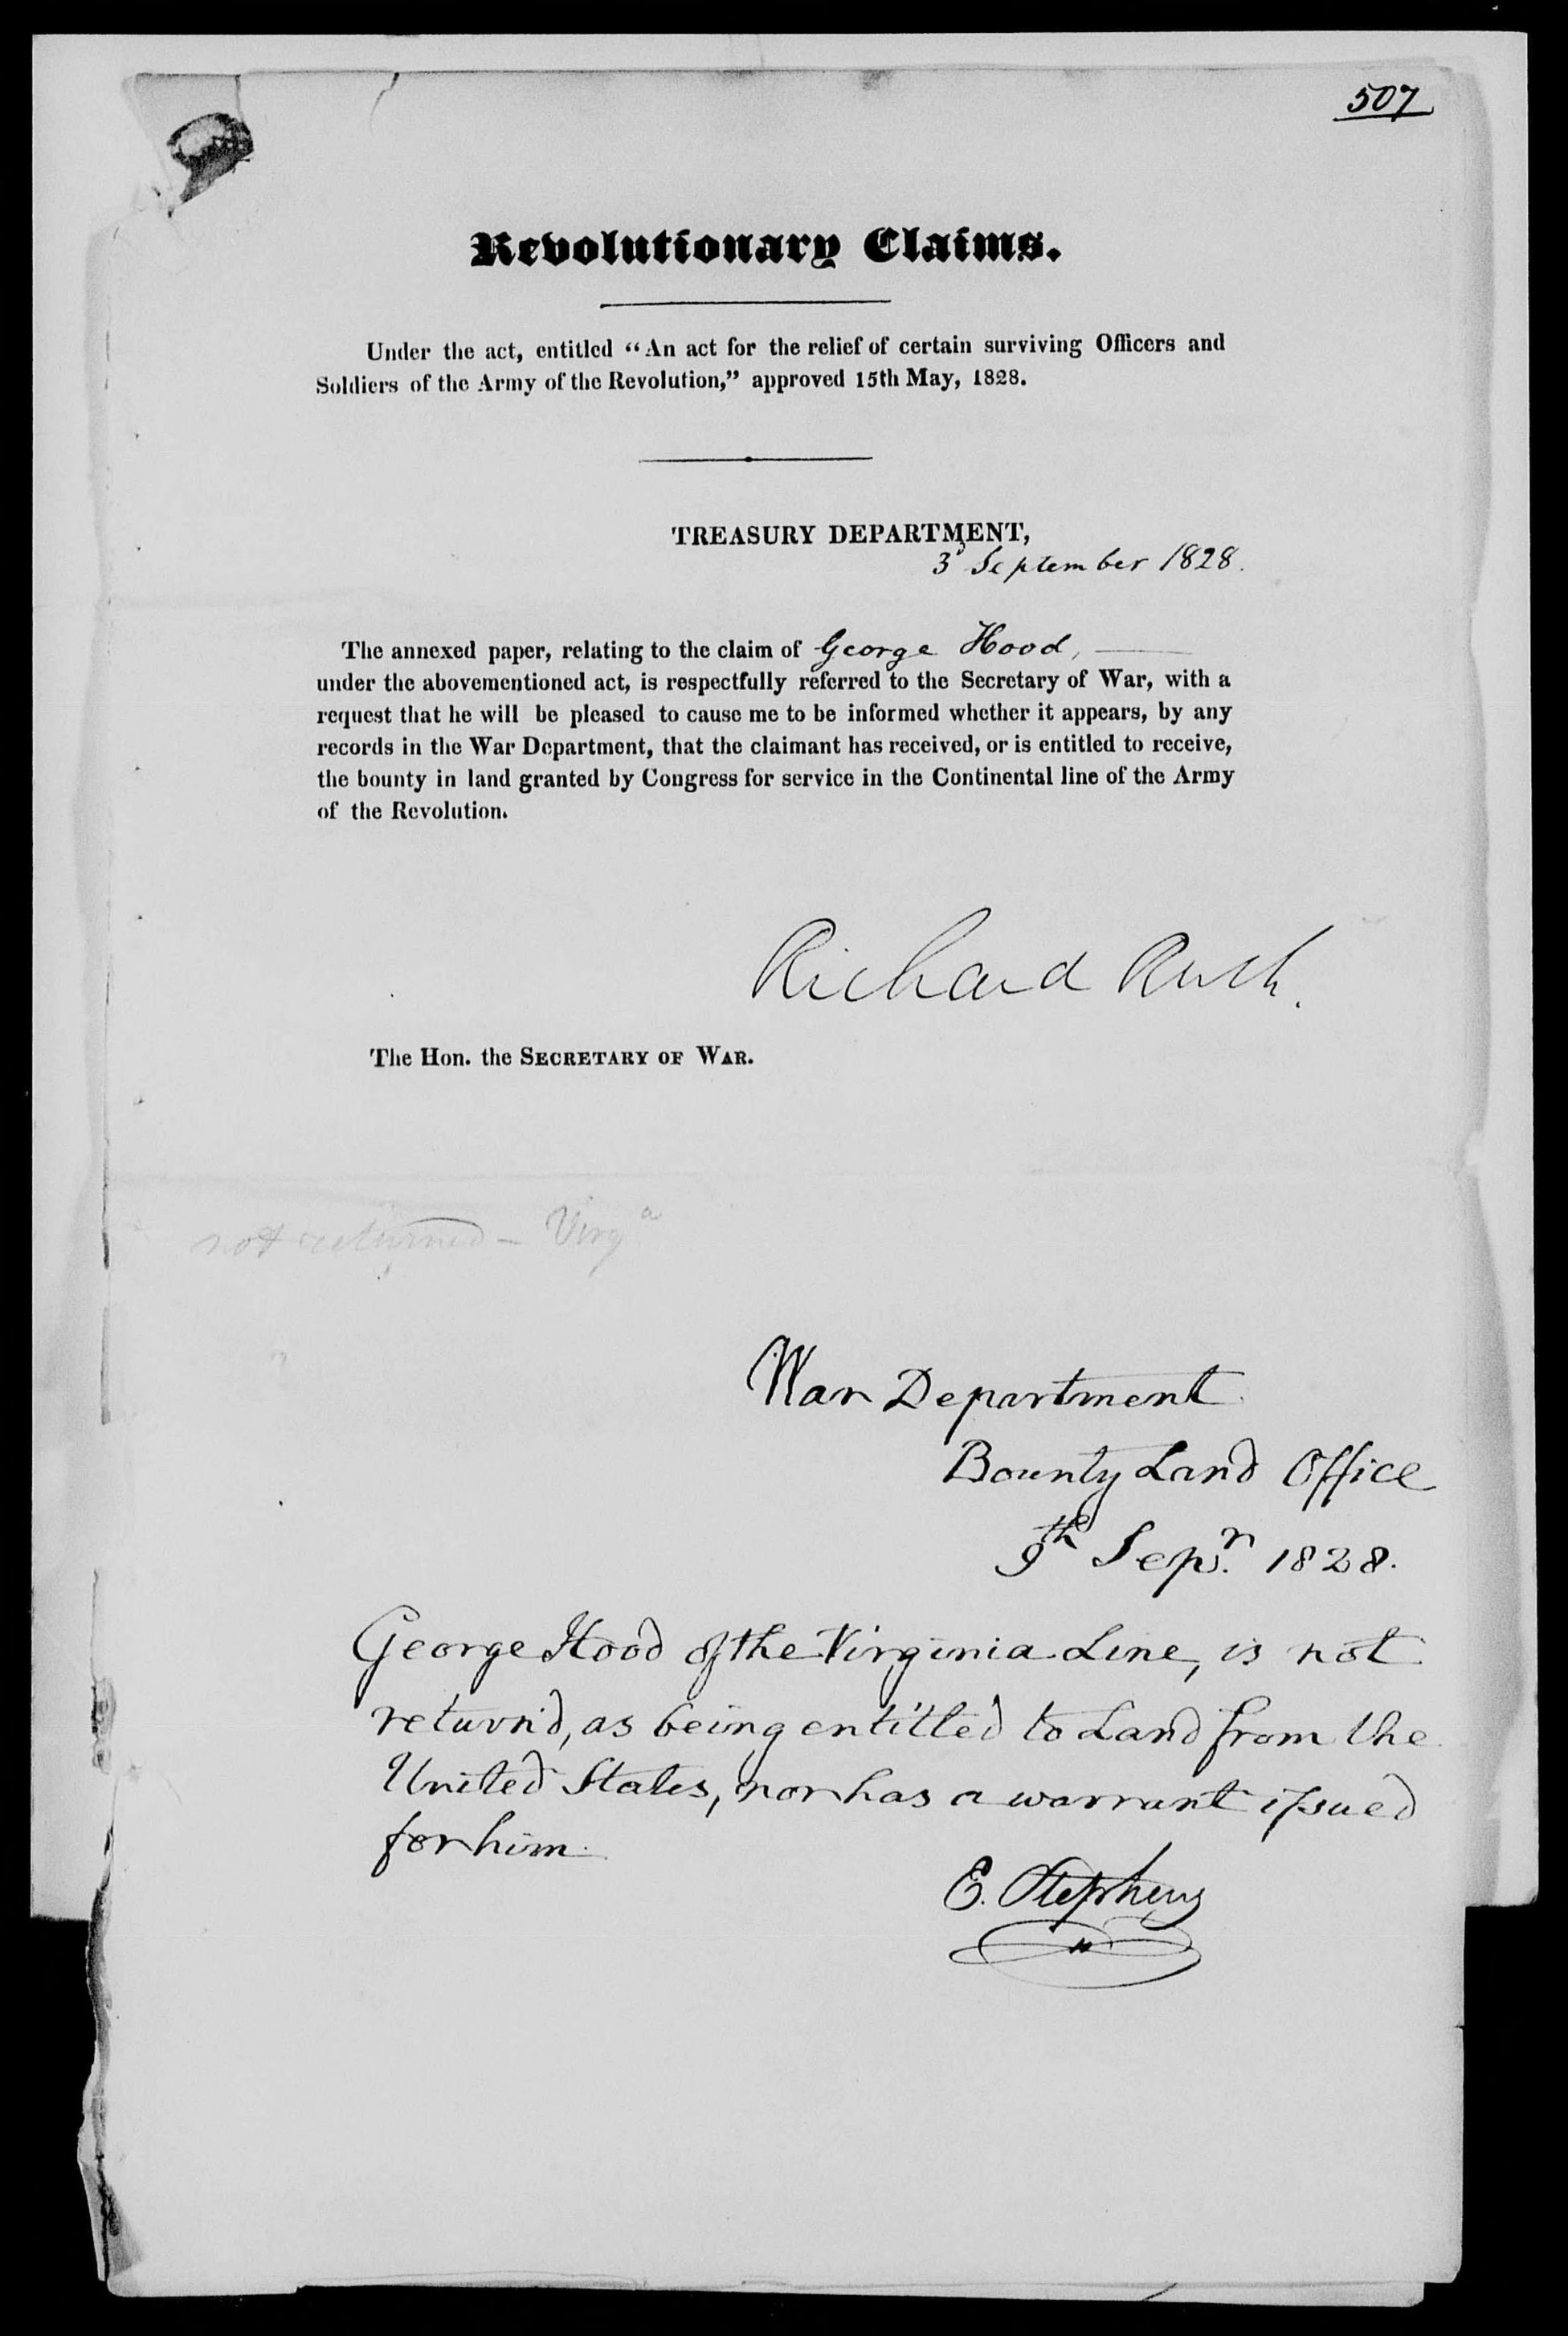Revolutionary Claims
Under the act, entitled “An Act for the Relief of Certain Surviving Officers and Soldiers of the Revolution,” approved 15th May, 1828.

Treasury Department
3 September 1828

The annexed paper, relating to the claim of George Hood, under the abovementioned act, is respectfully referred to the Secretary of War, with any request that he will be pleased to cause me to be informed whether it appears, by any records in the War Department, that the claimant has received, or is entitled to receive, the bounty in land granted by Congress for service in the Continental line of the Army of the Revolution.
Richard Rush
The Hon. the Secretary of War

War Department 
Bounty Land Office
9th September 1828

George Hood of the Virginia Line, is not returned, as being entitled to land from the United States, nor has a warrant issued for him.
E. Stephens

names: George Hood, E Stephens, George Hood, Richard Rush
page: 47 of 51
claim: widow's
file: W 8939, George Hood, Continental Va.